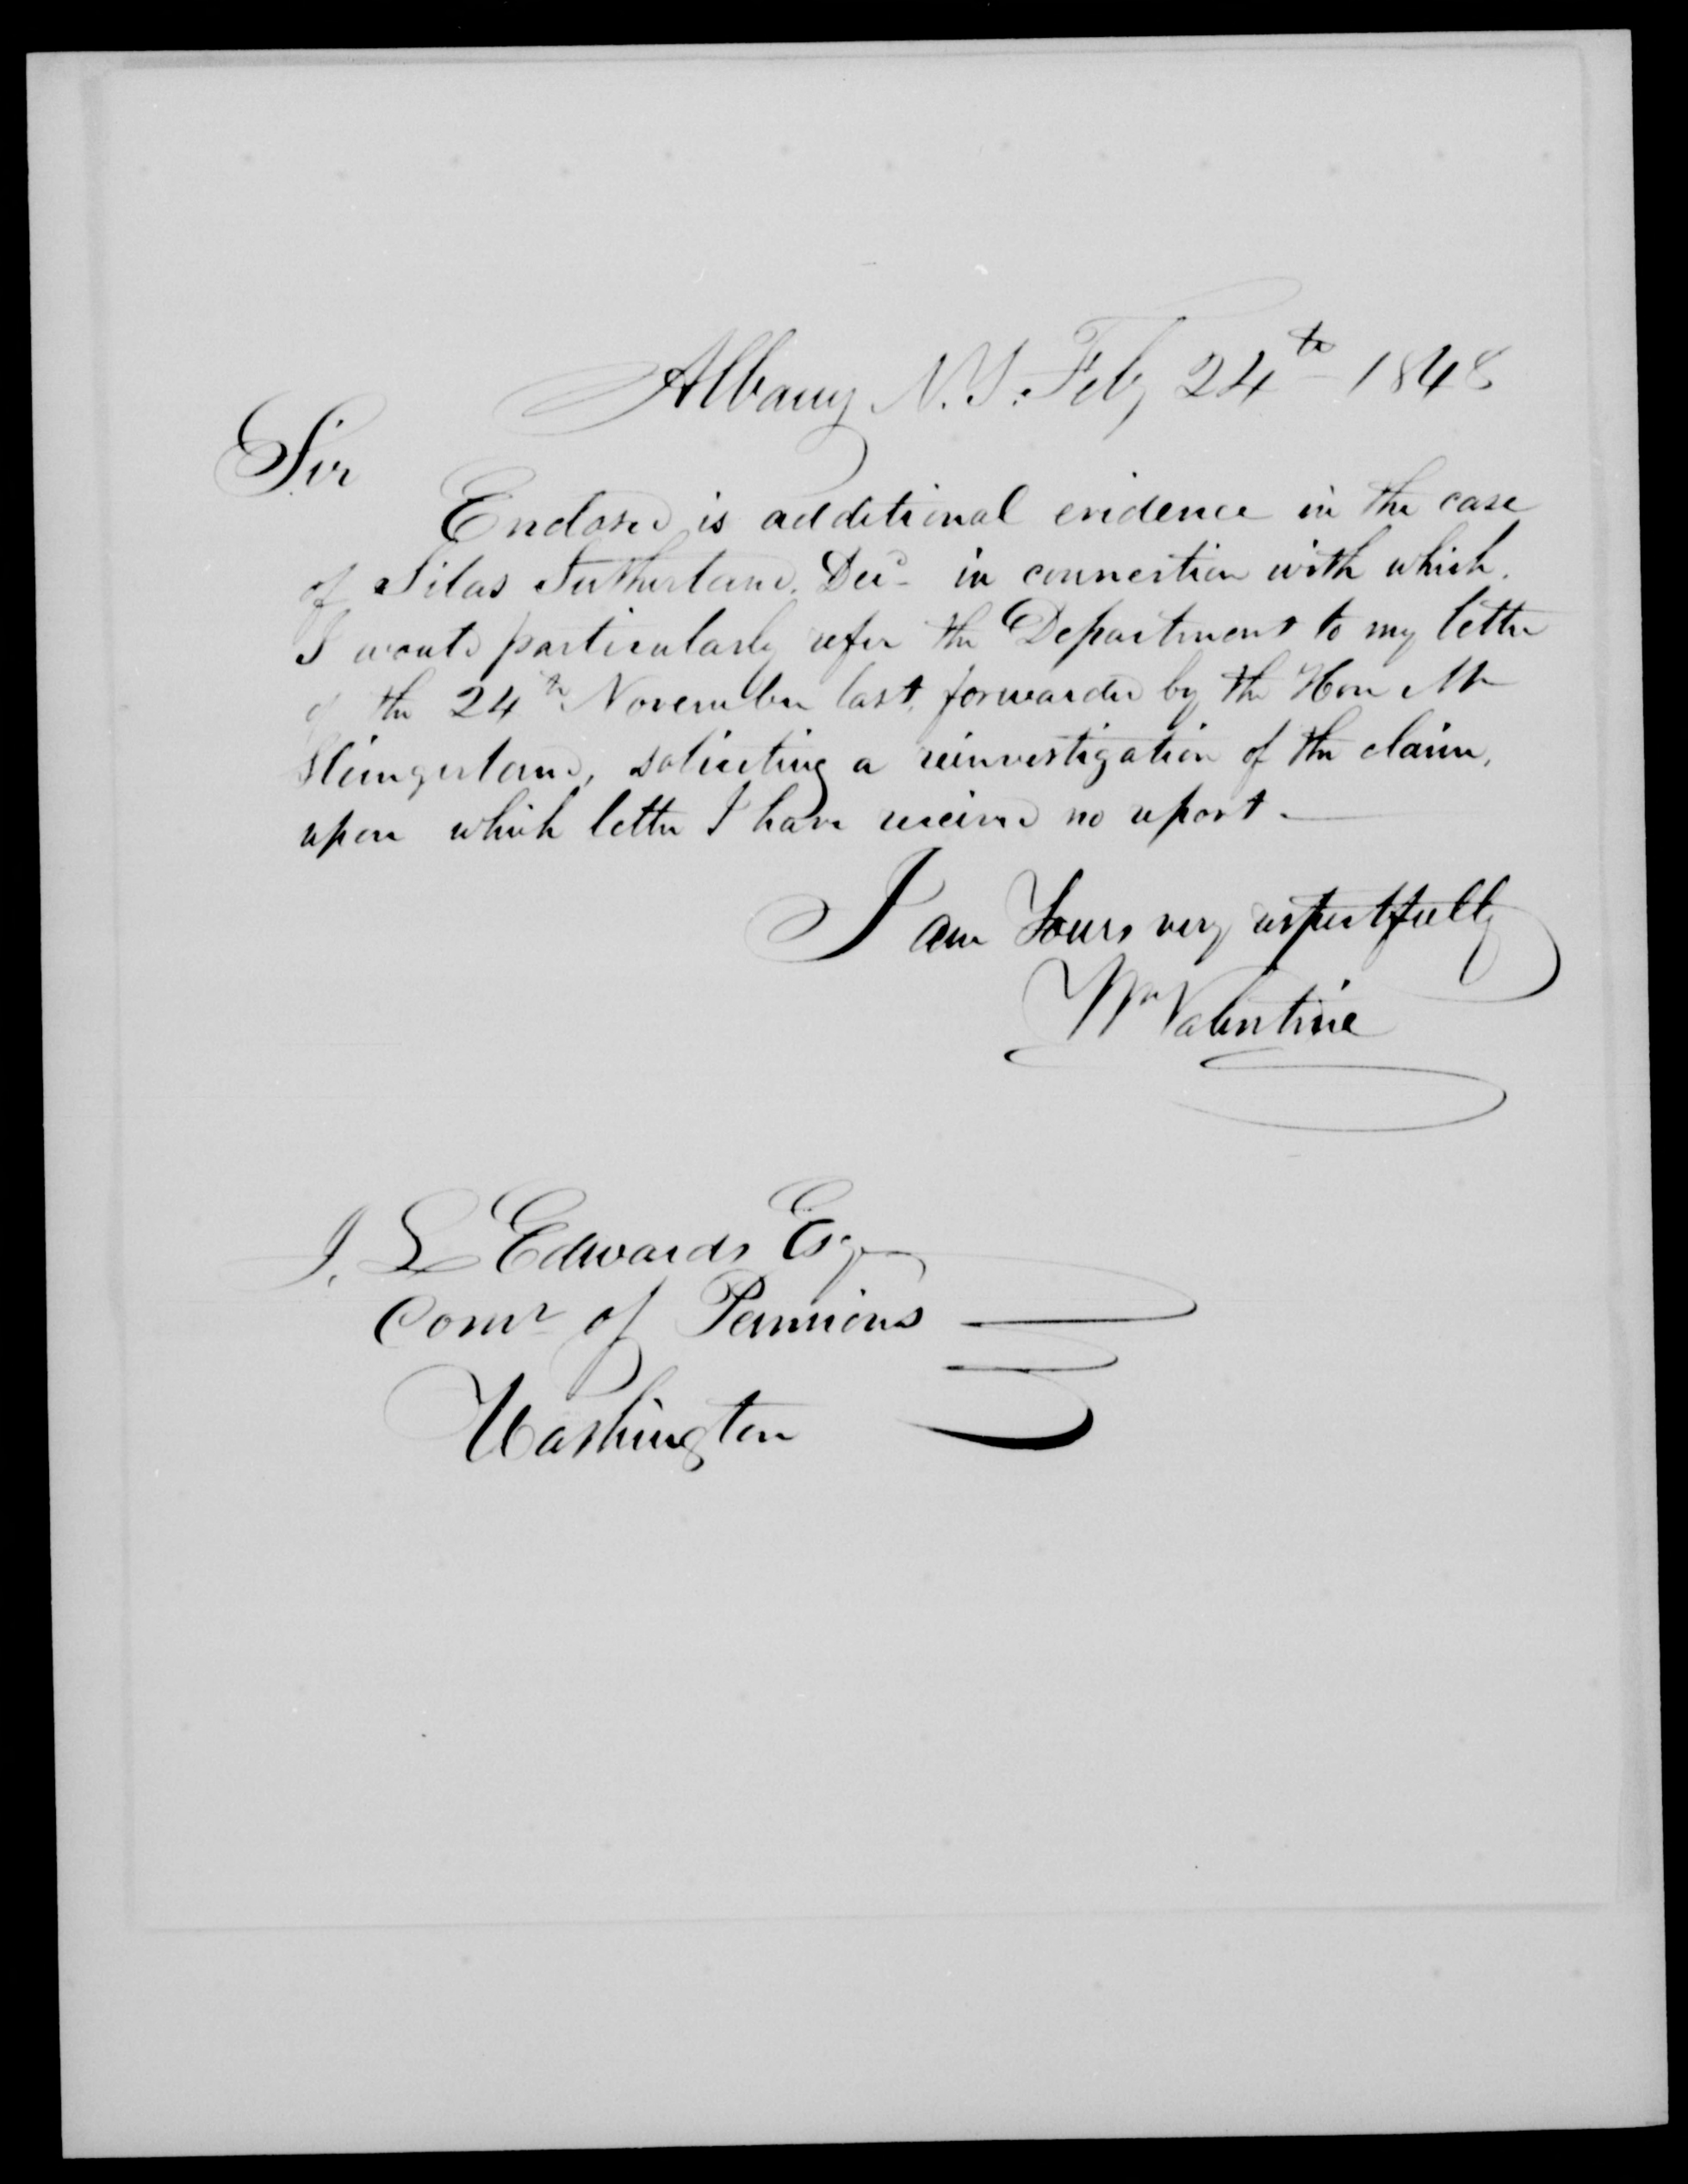Albany N.Y. Feb, 24th 1848
Sir
  Enclosed is additional evidence in the case of Silas Southerland Decd in connection with which I want particularly refer the Department to my letter of the 24th November last forwarded by the Hon M Slingerland soliciting a reinvestigation of the claim, upon which letter I have received no report.
  I am Yours very respectfully
  Wm Valentine

J.L. Edwards Esq
Comr of Pensions
Washington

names: [BLANK] Slingerland; Wm Valentine; Silas Sutherland; J L Edwards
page: 70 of 77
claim: survivor's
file: S. 23003, for Silas Southerland, New York